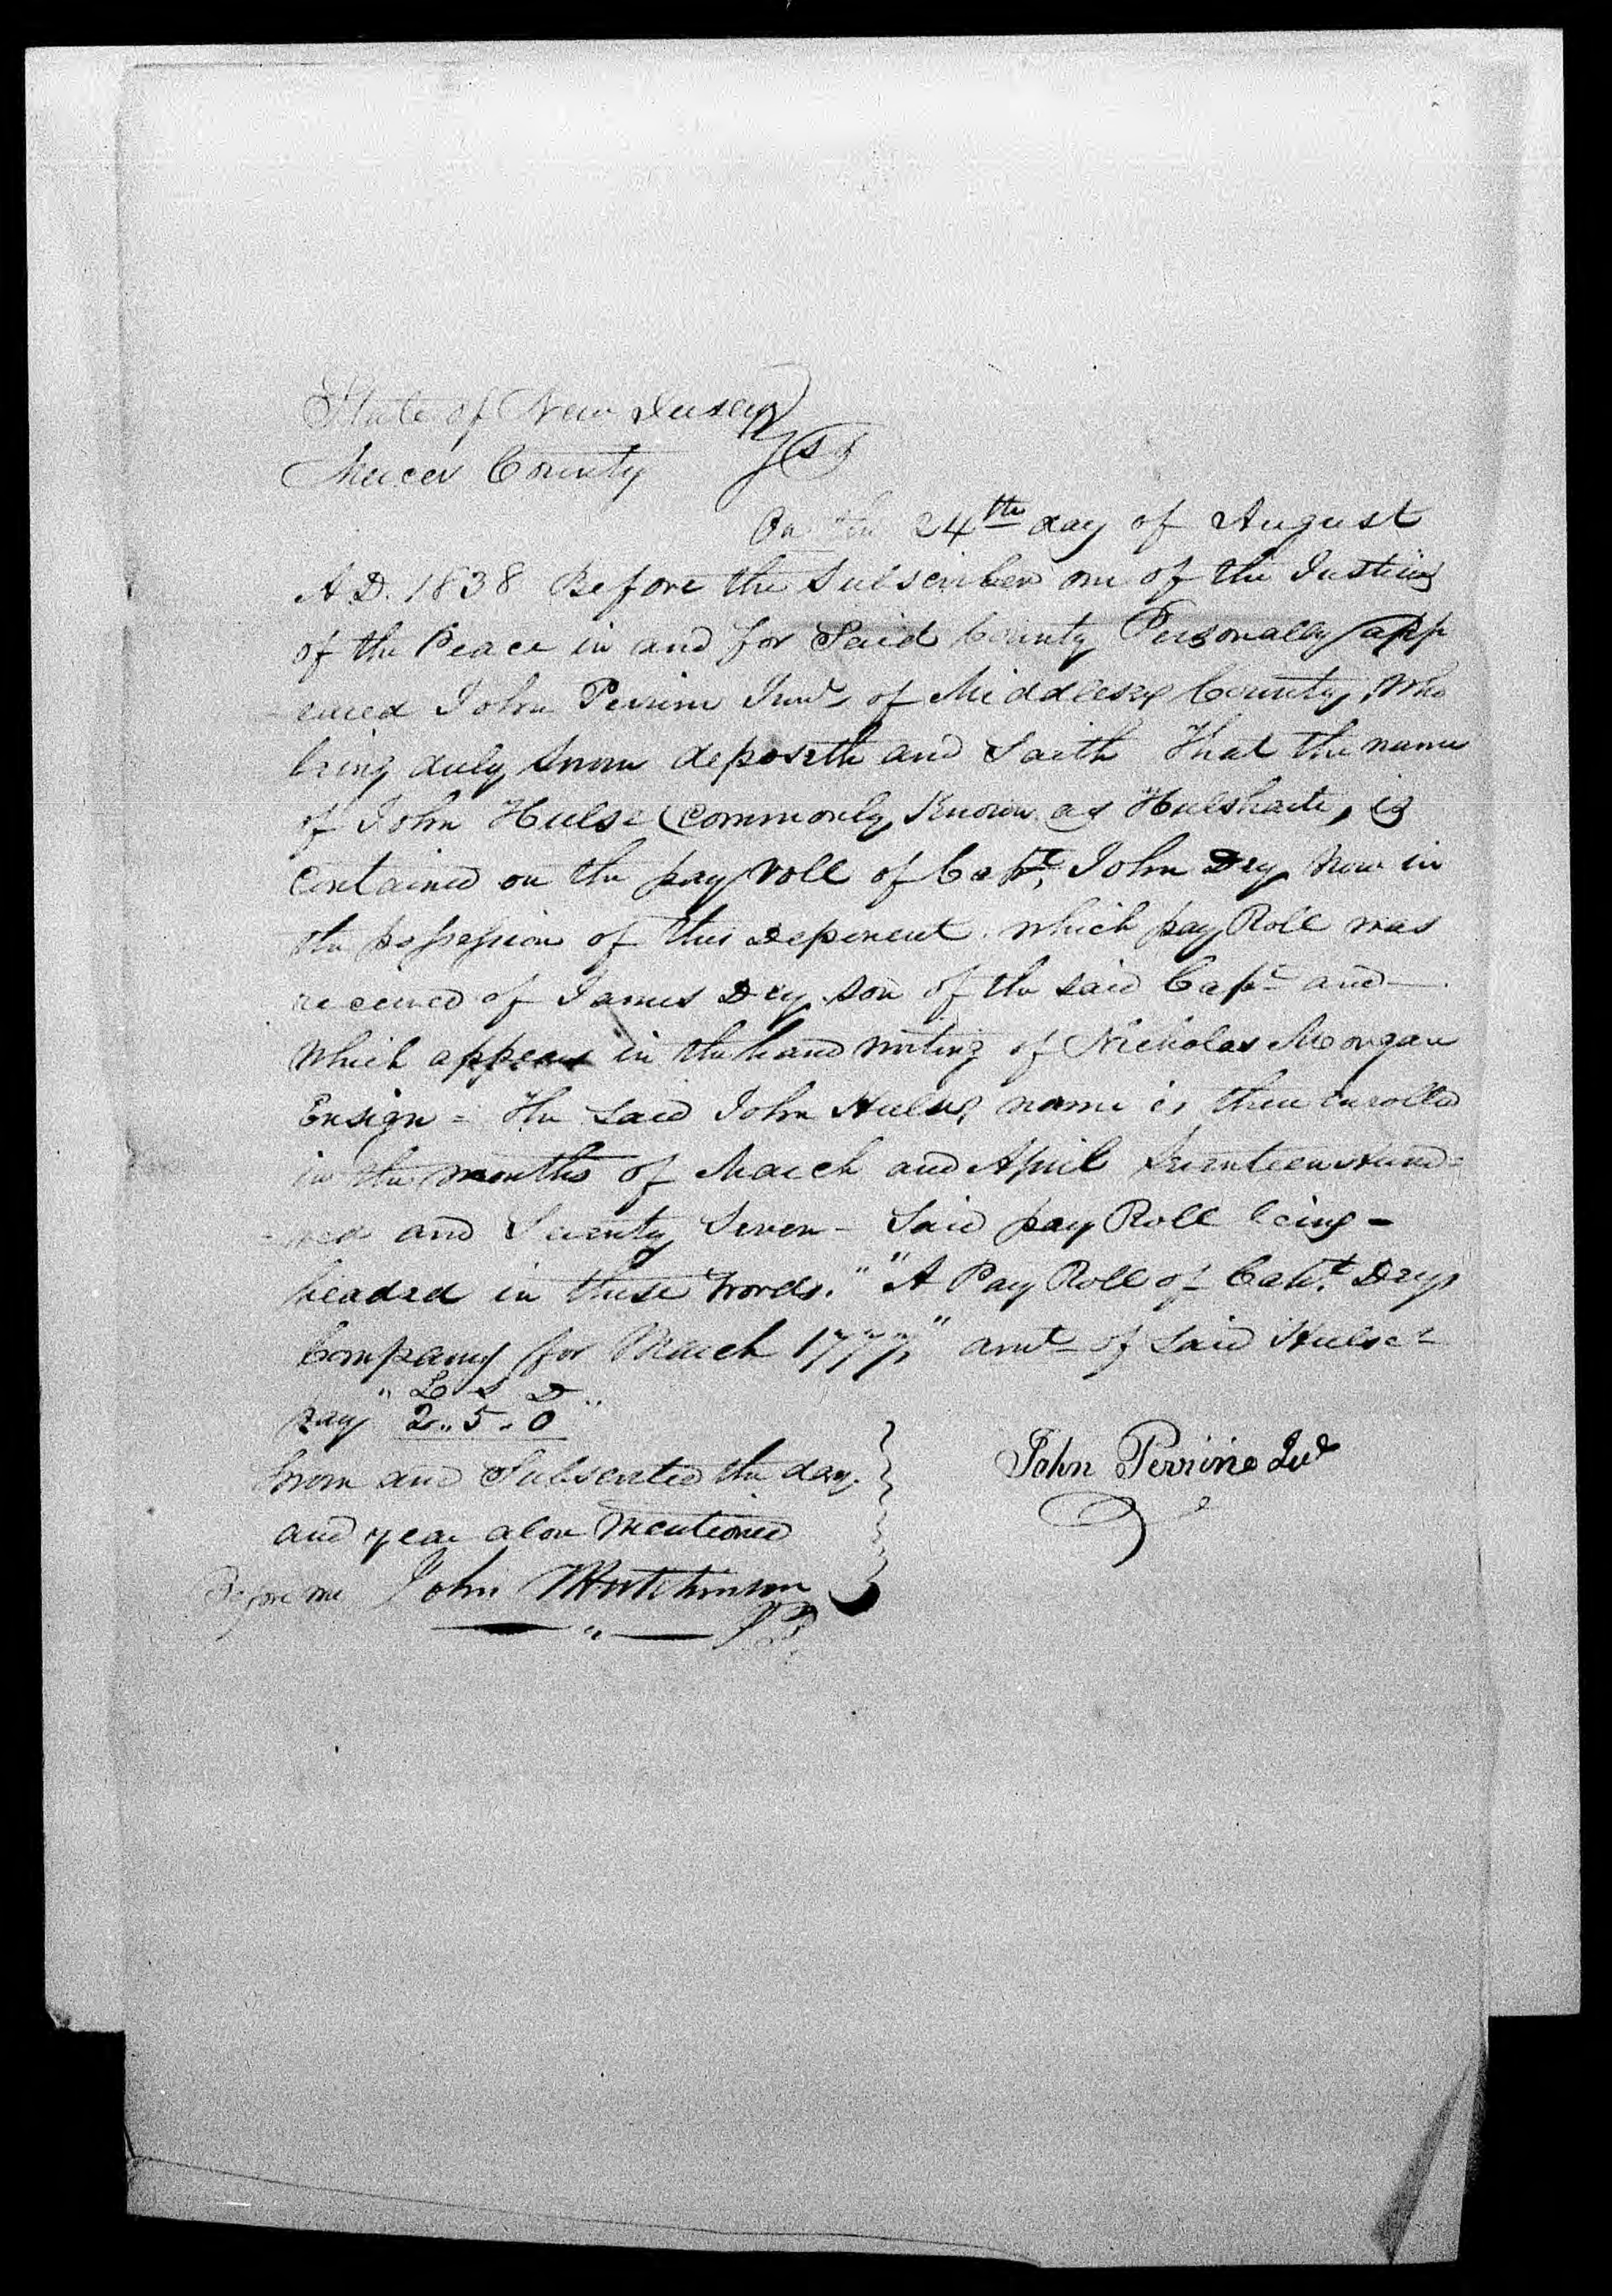State of New Jersey
Mercer County. } SS
                         On this 24th day of August
A.D. 1838 Before the subscriber one of the Justices
of the Peace in and for Said County Personally app-eared John Perrine Jur of Middlesex County who being duly sworn deposeth and Saith That the name of John Hulse (commonly known as Hulsharte) is contained on the pay roll of Capt John Dey now in the possession of this Deponent which pay Roll was received of James Dey. son of the said Capt and which appears in the hand writing of Nicholas Morgan Ensign. The said John Hulse's name is there enrolled
in the months of March and April Seventeen hundred and seventy seven- said pay Roll being -
headed in these words. "A Pay Roll of Capt. Deys
Company for March 1777," amt. of said Hulse's
pay "Lo2,, S5,, D0"
                                                    John Perrine Jr
Sworn and Subscribed this day.
and year above Mentioned
Before me John Hutchinson
                                           Esq.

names: John T Hutchinson, John Perrine, Nicholas Morgan, John Hulse, James Dey, John Dey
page: 2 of 34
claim: widow's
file: W. 940, John Hulshart, New Jersey